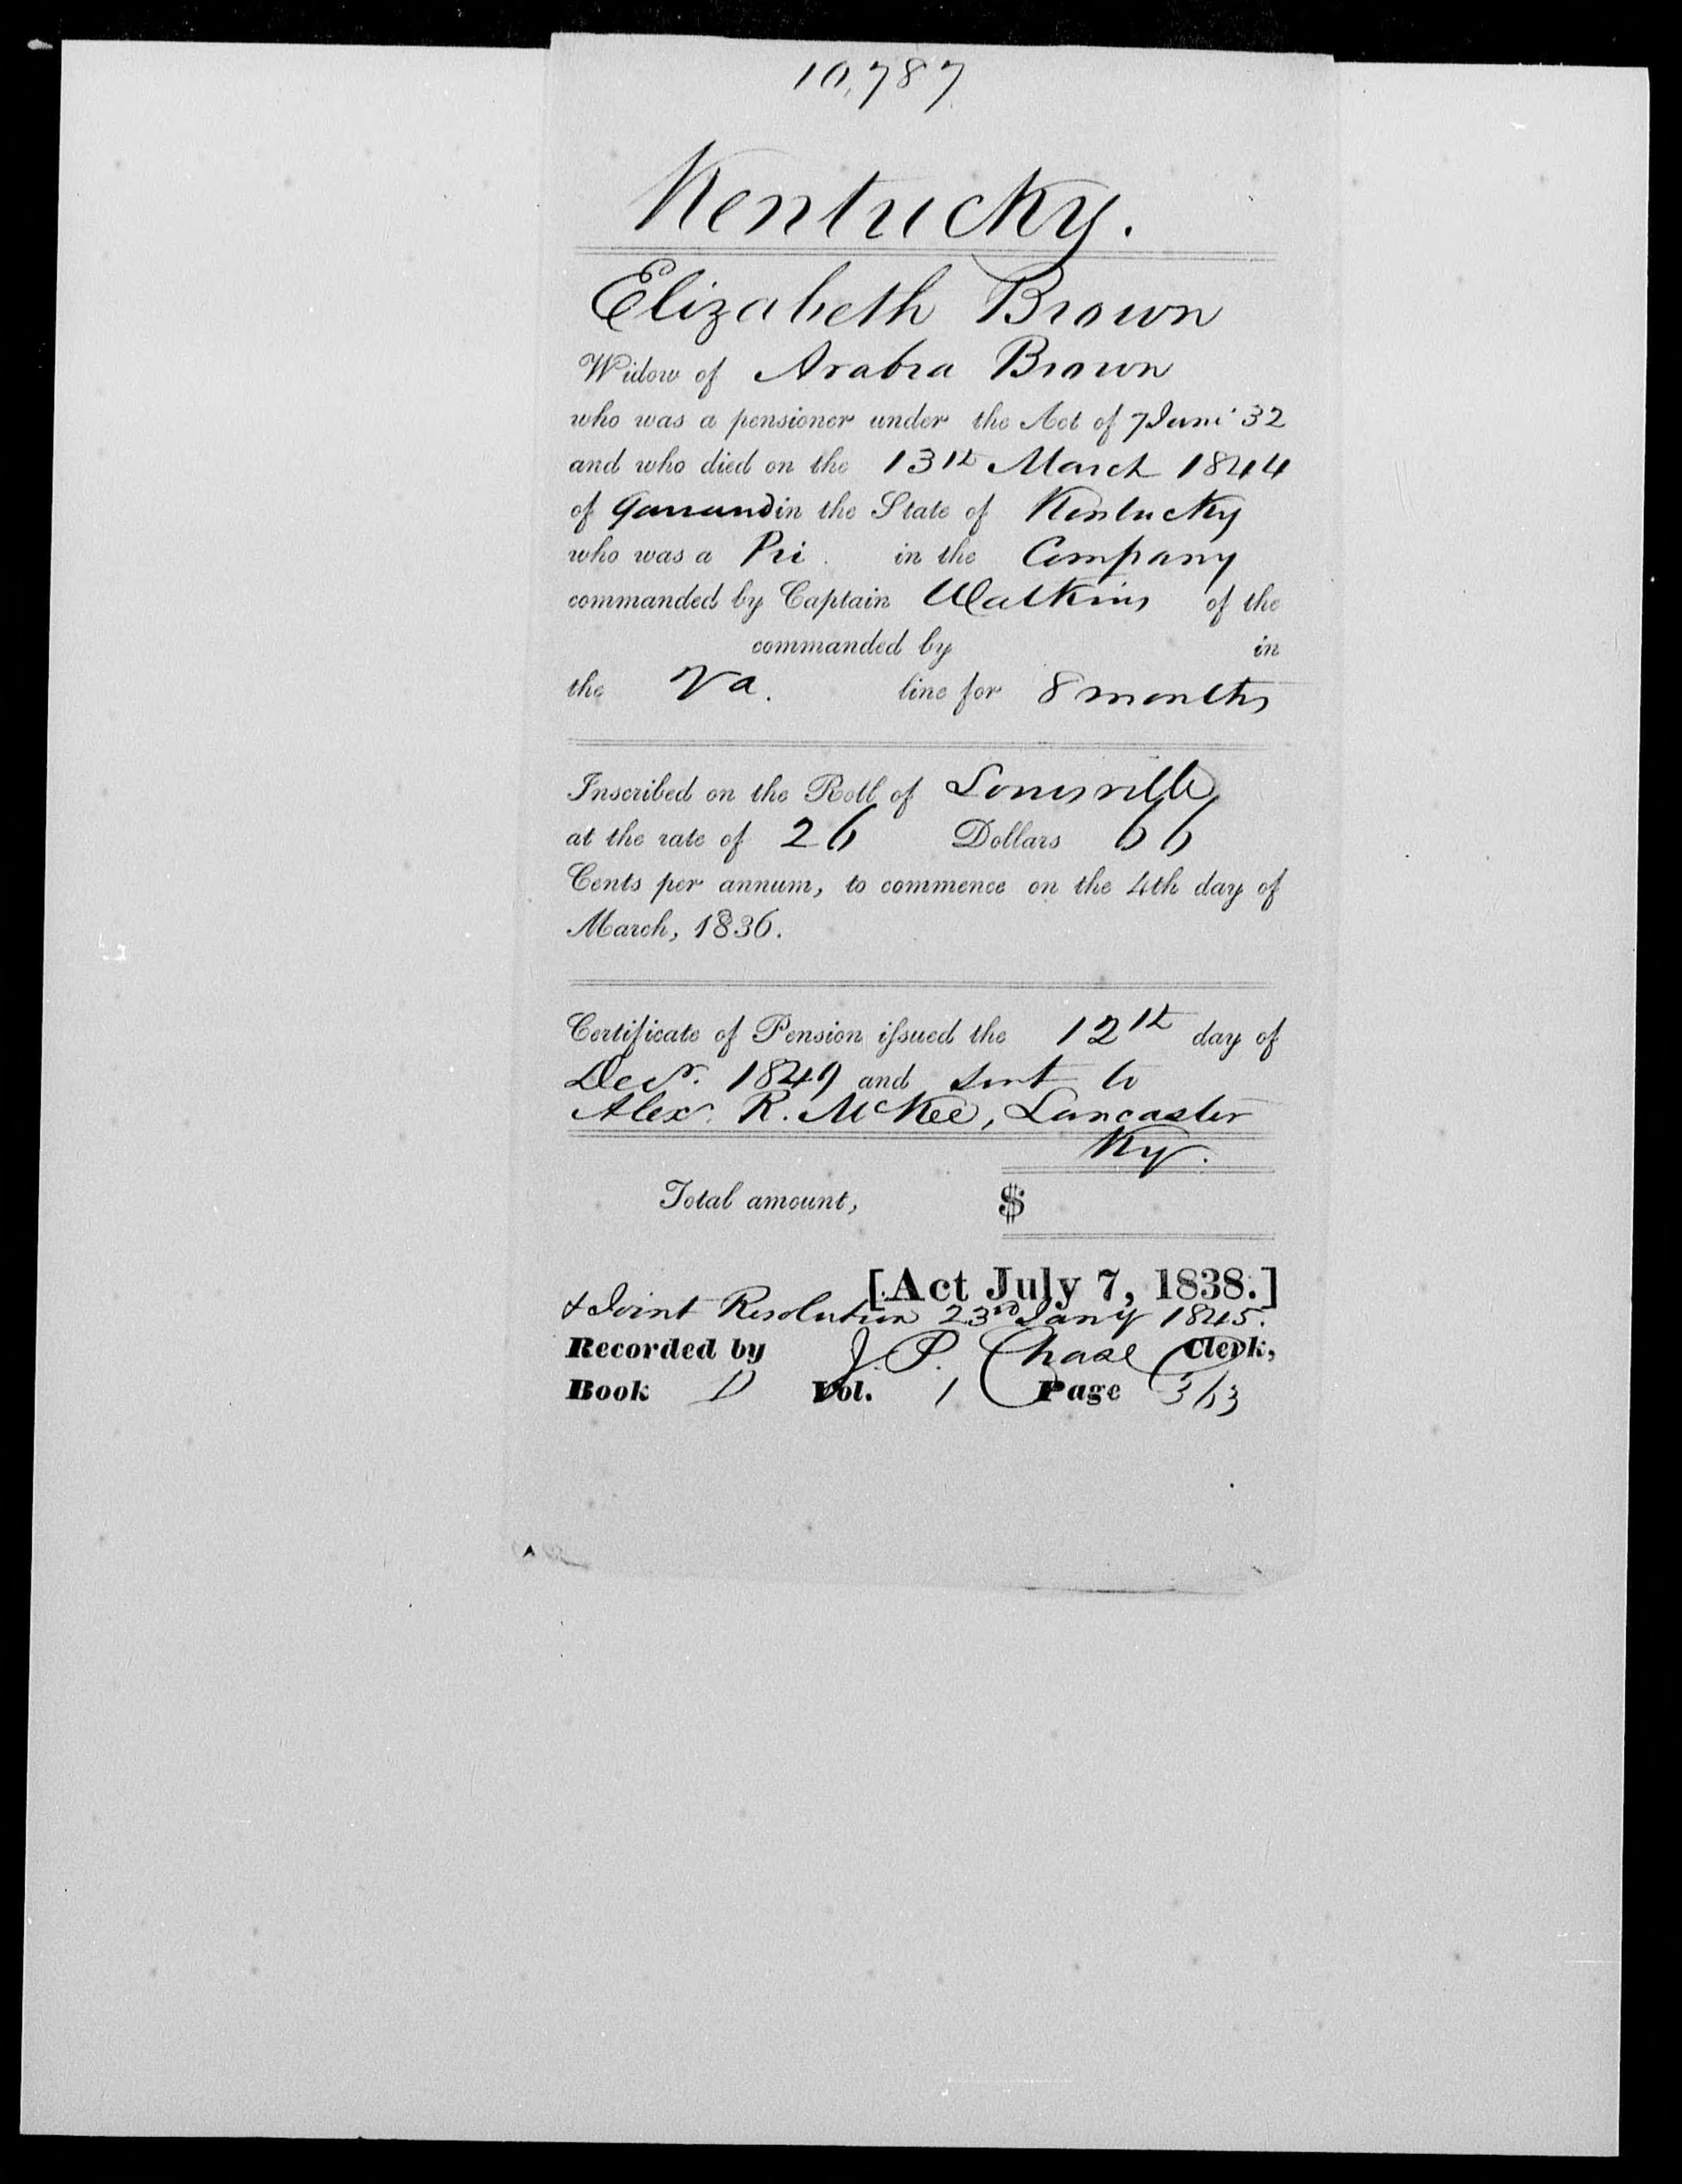10787

Kentucky

Elizabeth Brown
Widow of Arabia Brown
who was a pensioner under the Act of ____'32
and who died on the 13th March 1844 
of Garrard in the State of Kentucky
who was a Pro in the Company
commanded by Captain Walkins of the
commanded by________(left blank)________ in
the VA line for 8 months.

Inscribed on the Roll of Sommerville (?)
at the rate of 26 Dollars 66
Cents per annum, to commence on the 4th day of
March, 1836.

Certificate of Pension ifsued the 12th day of
Dec. 1847 and sent to 
Alex. R. McKee, Lancaster NY

Total amount,  $. (left blank)
Joint Resolution 23.00 I any 1845
STAMPED:
Act July 7, 1838

Recorded by JP Case Clerk,
Book D.  Vol 1. Page 363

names: Elizabeth Brown, Alexr R Mc Kee, J P Chase, Watkins, Arabia Brown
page: 49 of 65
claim: widow's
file: W. 8384, Arabia Brown, Va.